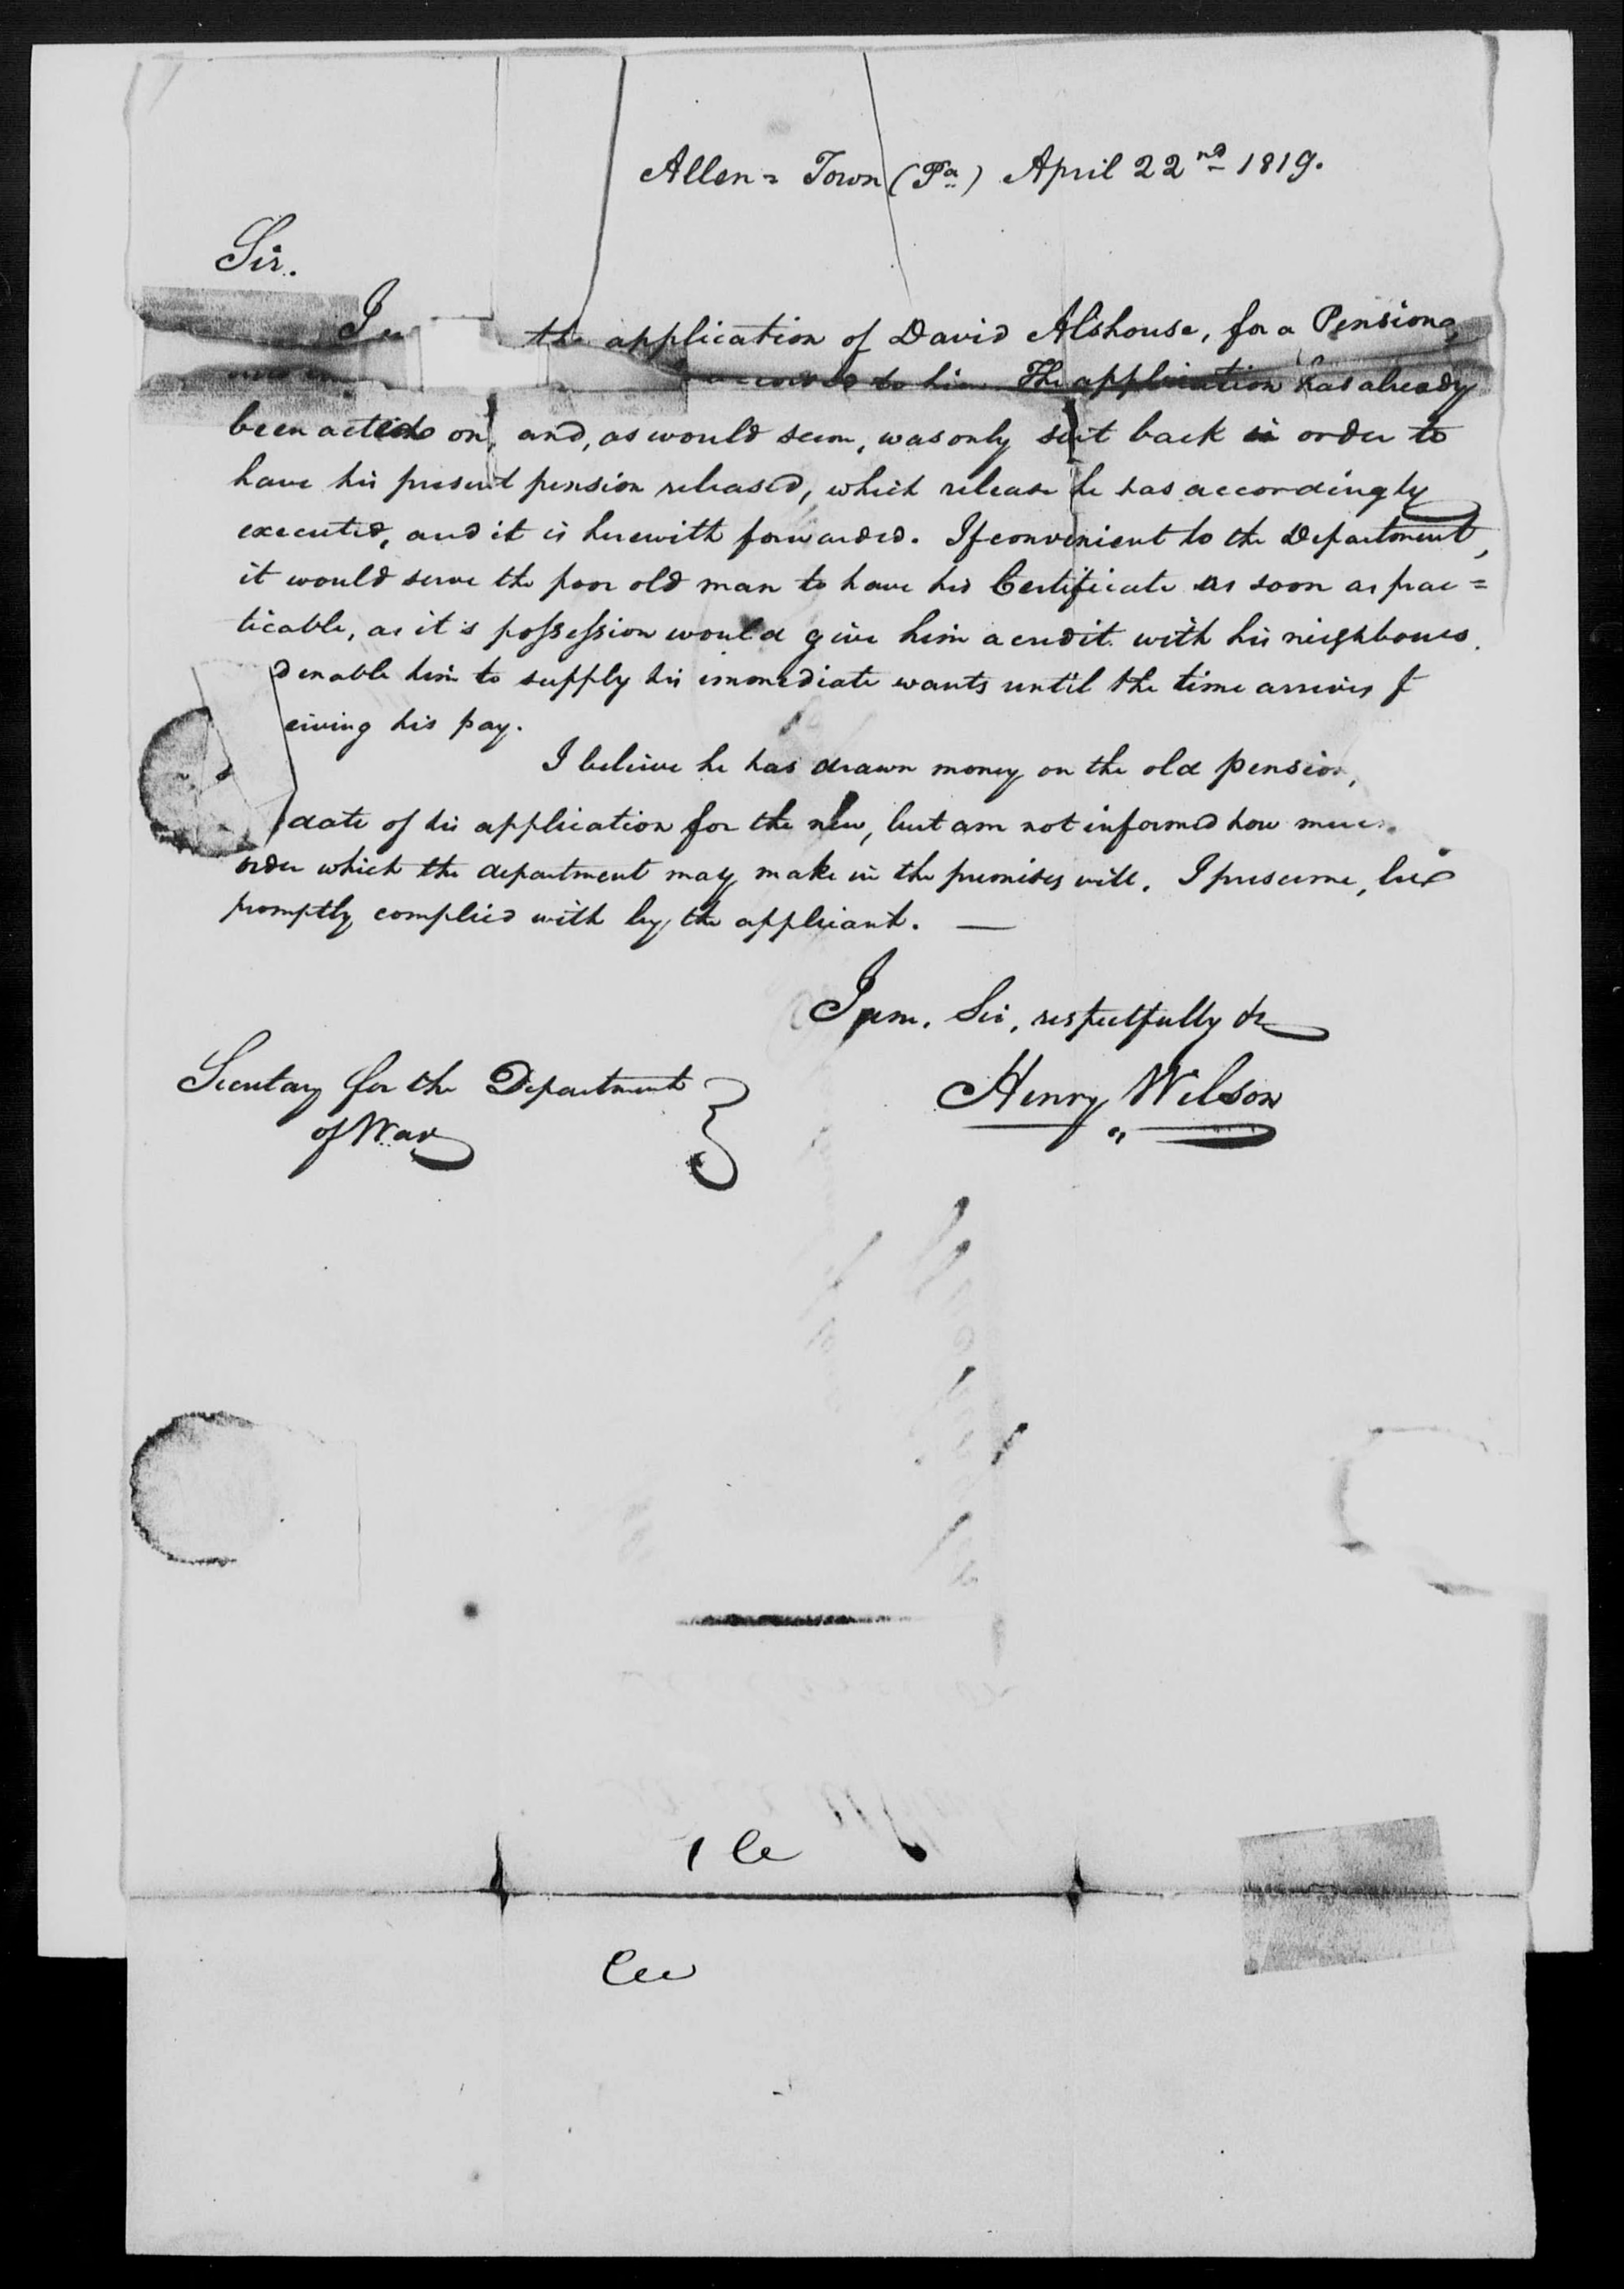Allen~Town (Pa.)  April 22nd 1819.

Sir,
In regard to the application of David Alshouse, for a pension [illegible words blocked out]
The application has already been acted on, and, as would seem, was only sent back in order to have his present pension released, which release he has accordingly executed, and it is herewith forwarded.  If convenient to the Department, it would serve the poor old man to have his certificate as soon as possible, as its possession would give him a credit with his neighbours [sic] & enable him to supply his immediate wants until the time arrives of receiving his pay.

I believe he has drawn money on the old pension [word blocked out from seal] date of his application for the new, but am not informed how much [words blocked out from tear in paper] which the department may make in the promises will.  I presume will be  promptly complied with by the applicant. --
I am, Sir, respectfully &c
Henry Wilson [signature]
Secretary for the Department}
of War                                    }

[seal in left-hand margin]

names: Henry Wilson, David Alshouse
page: 15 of 17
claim: survivor's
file: S. 39928, David Alshouse, Penn.